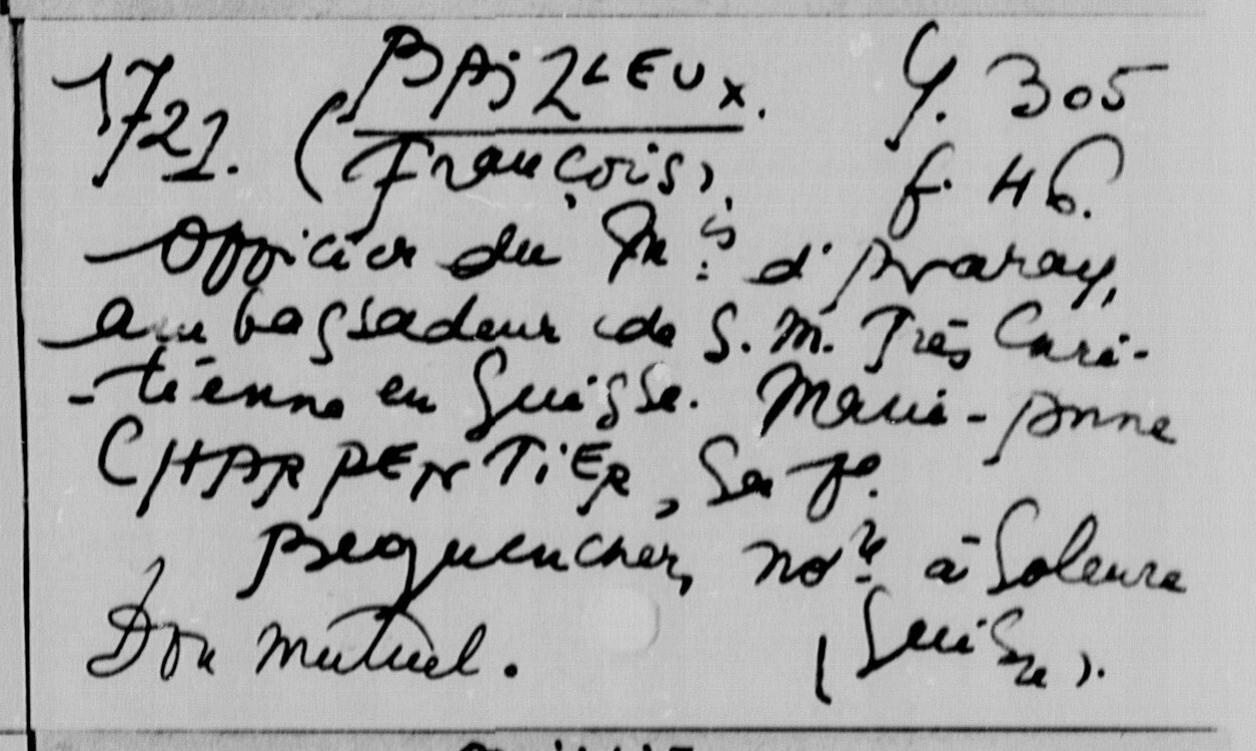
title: BAILLEUX (François)
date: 1721
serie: Y
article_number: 305
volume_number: folio 46
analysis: Officier du marquis d'Avaray, ambassadeur de Sa Majesté très chrétienne en Suisse Marie-Anne Charpentier, sa femme Don mutuel Bequencher, notaire à Soleure (Suisse)
